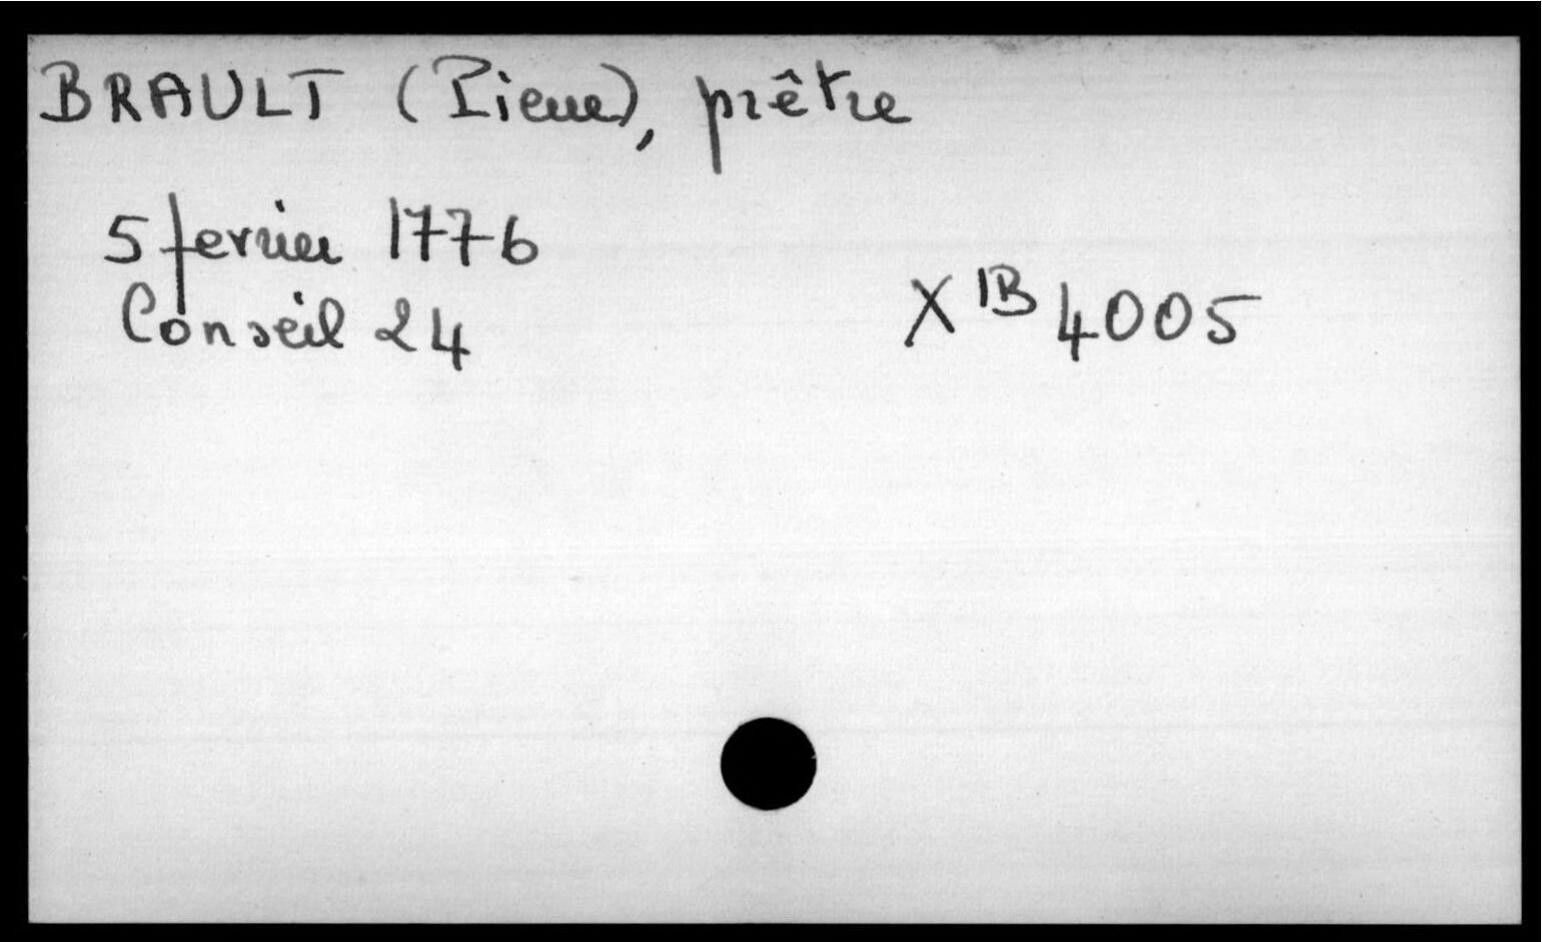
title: BRAULT (Pierre), prêtre
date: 5 février 1776
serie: X1B
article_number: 4005
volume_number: Conseil 24
